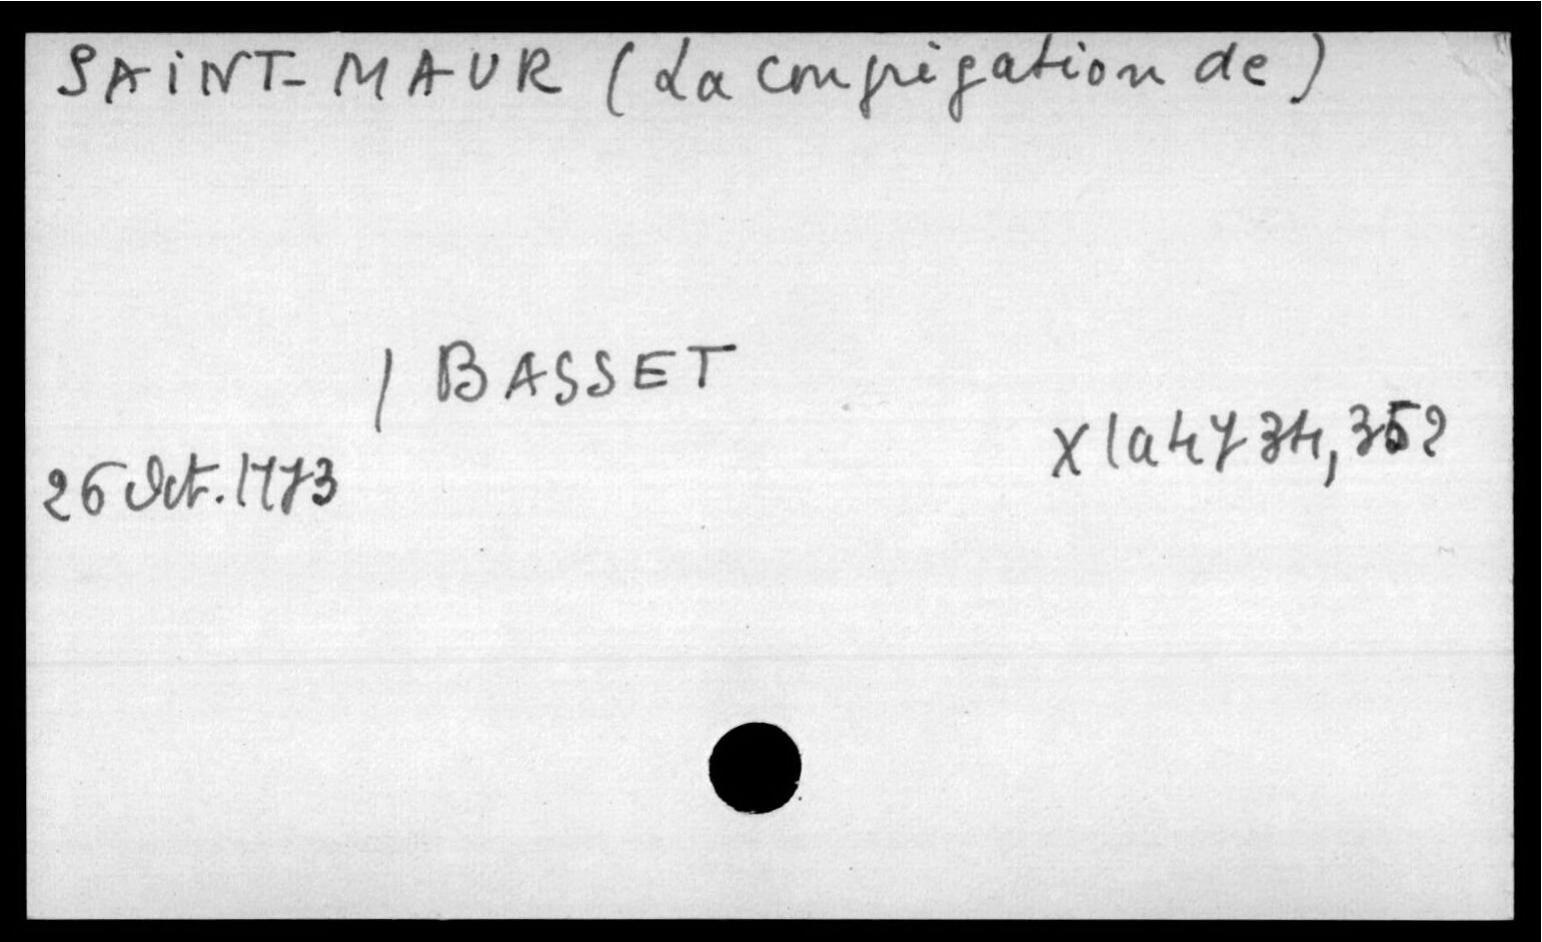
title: SAINT-MAUR (La congrégation de)
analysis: Contre BASSET
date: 26 octobre 1773
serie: X1a
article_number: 4734
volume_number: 352
